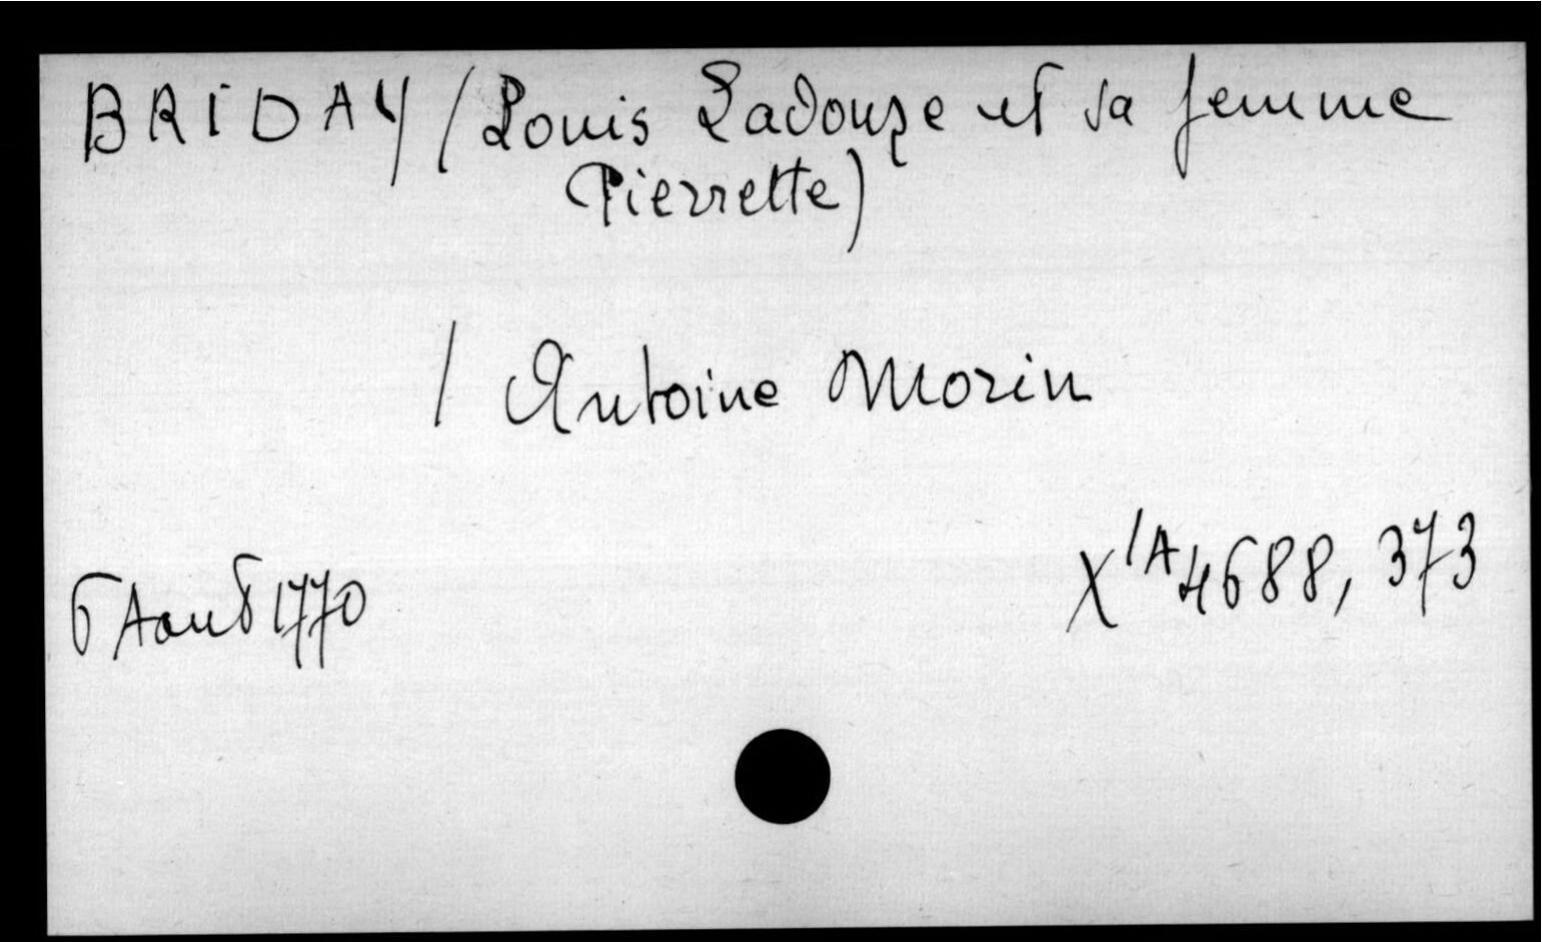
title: BRIDAY (Louis Ladouze et sa femme Pierrette)
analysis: Contre Antoine Morin
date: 6 août 1770
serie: X1A
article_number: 4688
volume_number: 373
